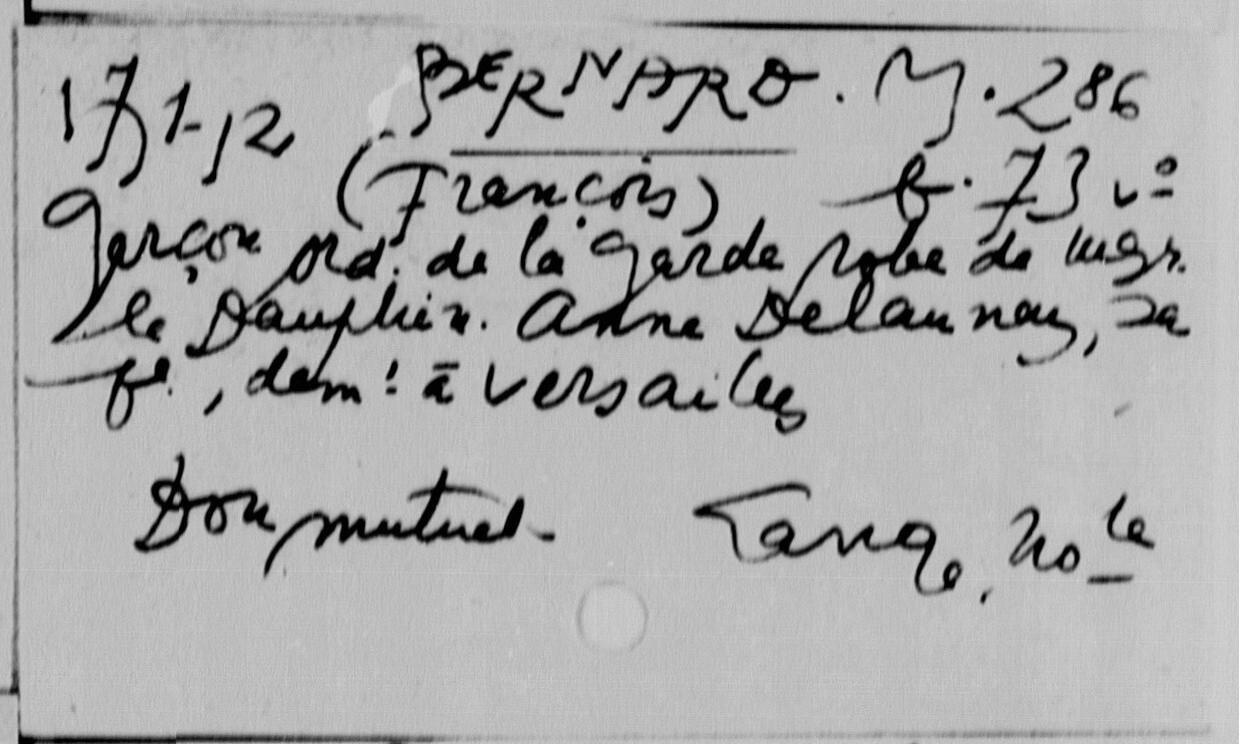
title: BERNARD (François)
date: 1701-1712
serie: Y
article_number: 286
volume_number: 73v
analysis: Garçon ordinaire de la garde robe de monseigneur le Dauphin. Anne Delaunay, sa femme, demeurant à Versailles Don mutuel Lange, notaire
